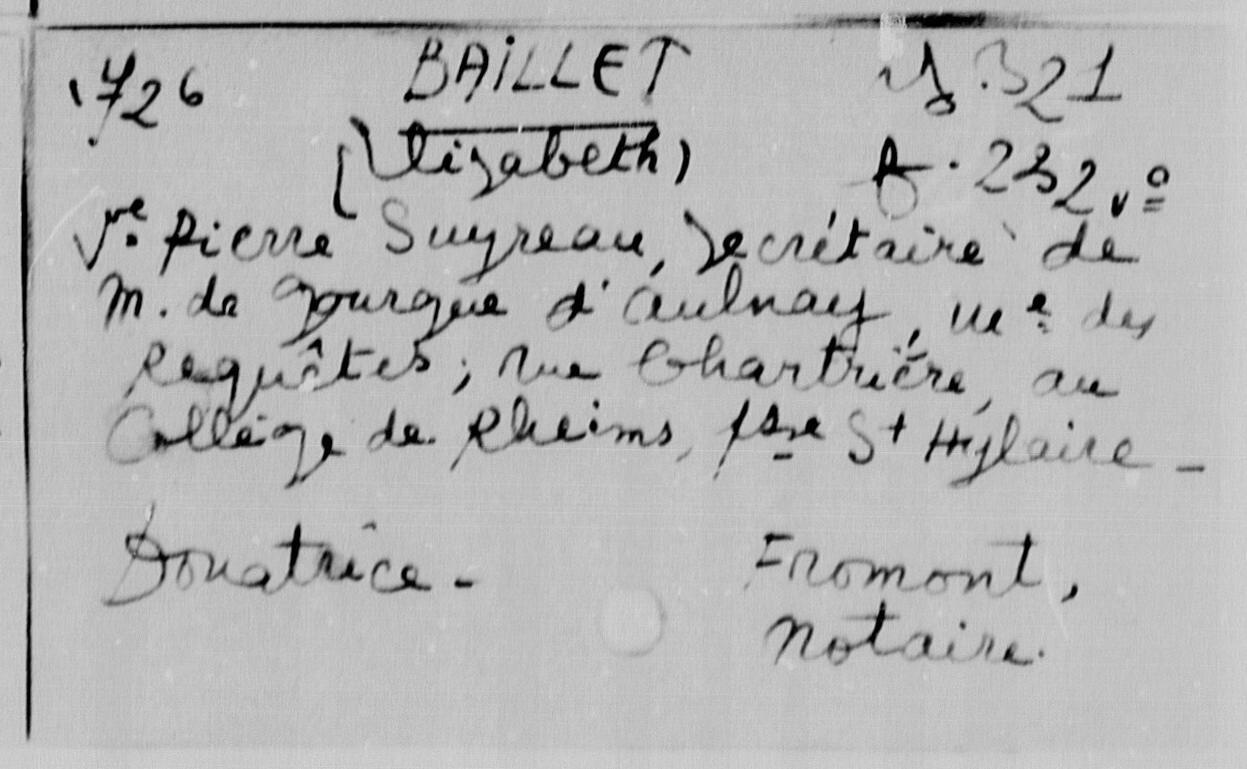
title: BAILLET (Elizabeth)
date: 1726
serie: Y
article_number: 321
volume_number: folio 232v
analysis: Veuve Pierre Suyreau, secrétaire de monsieur de Gourgue d'Aulnay, maître des requêtes, rue Chartrière, au collège de Rheims, paroisse Saint-Hylaire Donatrice Fromont, notaire
